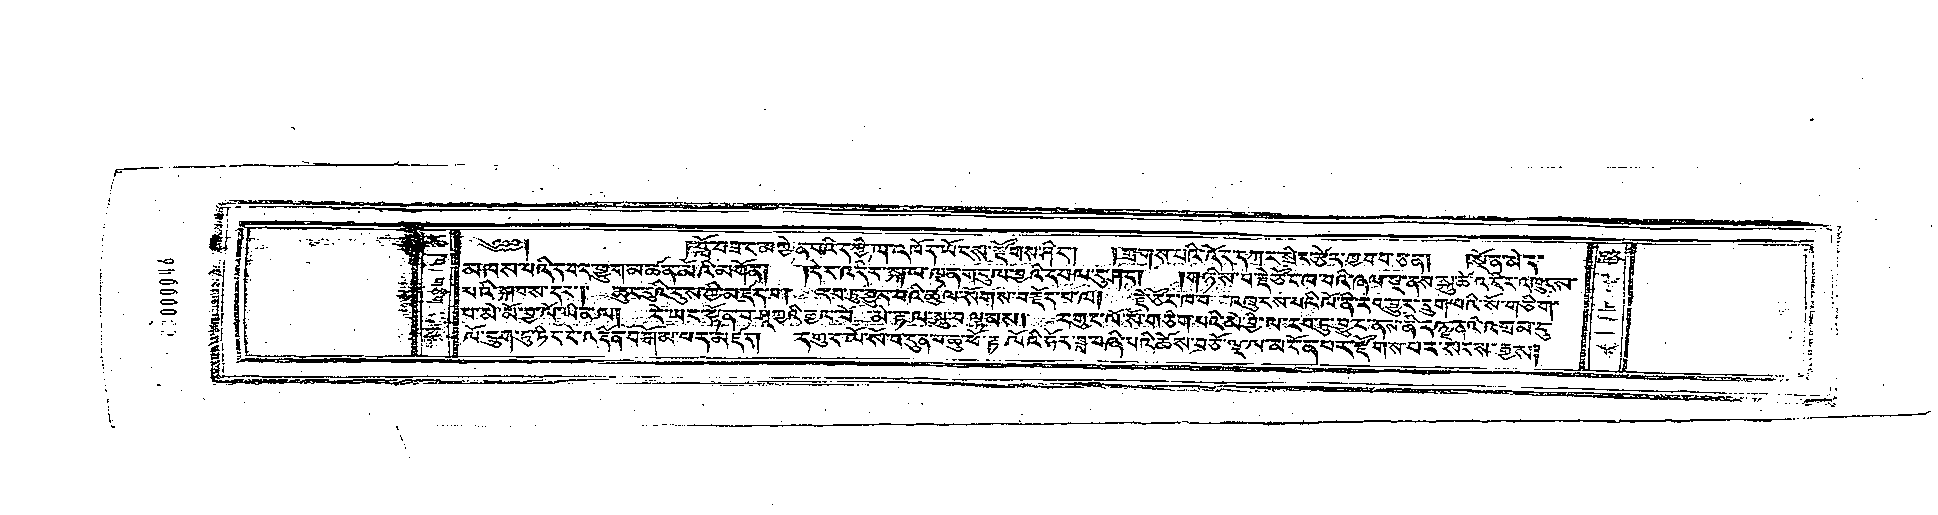མཁས་པའི་དབང་ཕྱུག་མཚན་མོའི་མགོན། །དེད་འདིར་སྐལ་ལྡན་གདུལ་བྱའི་དཔལ་དུ་ཤར། །གཉིས་པ་རྗེ་ཙོང་ཁ་བའི་ཞལ་སྔ་ནས་སྐུ་ཚེ་འདིར་འཁྲུངས་
པའི་སྐབས་དང་། ཆུང་ངུའི་དུས་ཀྱི་མཛད་པ། རབ་ཏུ་བྱུང་བའི་ཚུལ་སོགས་བརྗོད་པ་ལ། རྗེ་ཙོང་ཁ་པ་འཁྲུངས་པའི་ལོ་ནི་རབ་བྱུང་དྲུག་པའི་སོ་གཅིག་
པ་མེ་མོ་བྱ་ལོ་ཡིན་ལ། དེ་ཡང་སྟོན་བ་ཤཱཀྱའི་རྒྱལ་བོ་མེ་རྟལ་སྐུ་བལྟམས། དགུང་ལོ་སོ་གཅིག་པའི་མེ་བྱི་ལ་རབ་ཏུ་བྱུང་ནས་ནི་རཉྫ་ནའི་འགྲམ་དུ་
ལོ་དྲུག་ཏུ་ཏིང་ངེ་འཛིན་བསྒོམ་པར་མཛད། དགུང་ལོ་སོ་བདུན་པ་ཆུ་ཕོ་རྟ་ལོའི་ཧོར་ཟླ་བཞི་པའི་ཚེས་བཅོ་ལྔ་ལ་མངོན་པར་རྫོགས་པར་སངས་རྒྱས།